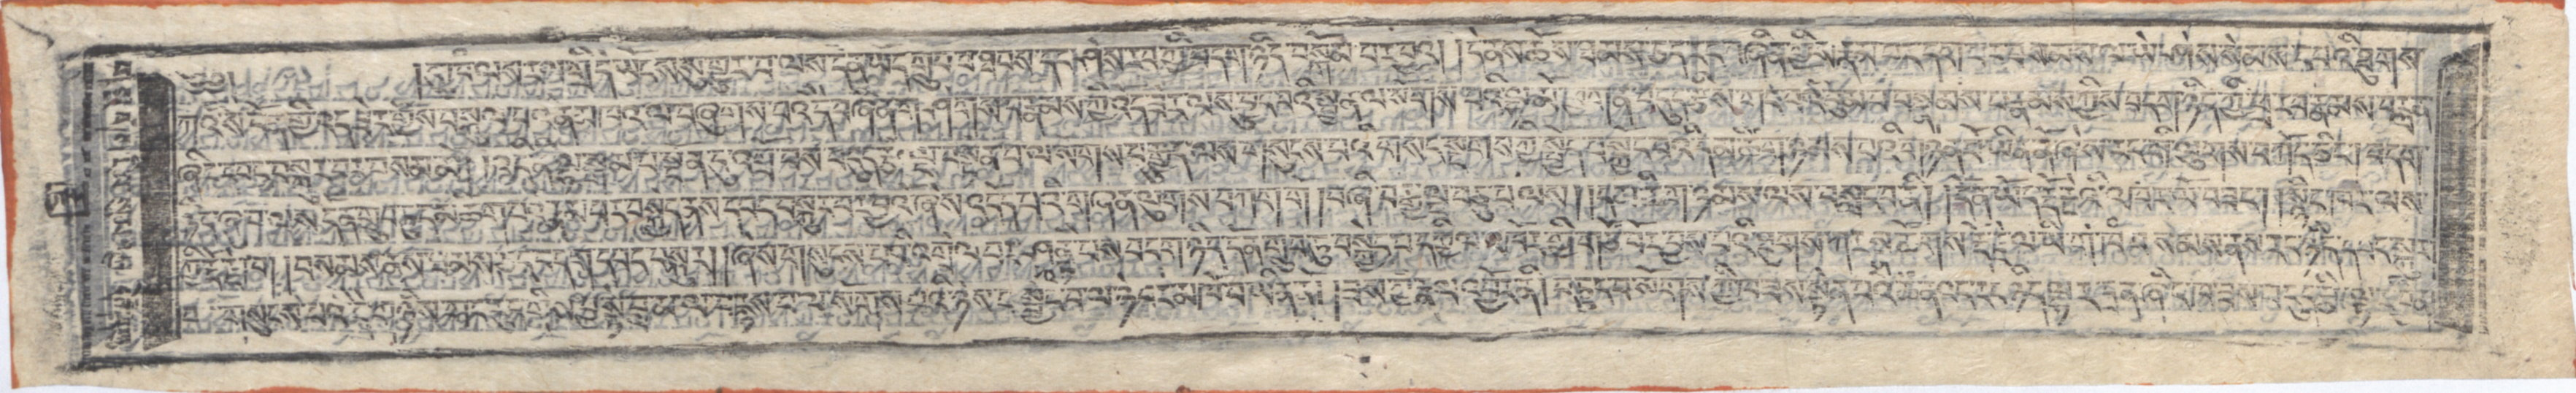༄༅། །དུ་ཁམ་ལས་རལ་གྲི་དེ་ཡོངས་སུ་གྱུར་བ་ལས་དོན་ཡོད་གྲུབ་པ་ཐབས་དང་ཤེས་རབ་ཀྱི་བདག་ཉིད་བསྒོམ་པར་བྱའོ། །དེ་ནས་ཆོས་ཐམས་ཅད་རང་བཞིན་གྱིས་རྣམ་པར་དག་པར་བསམས་ལ་ཡེ་ཤེས་སེམས་དཔའི་ཐུགས་
ཀའི་ས་བོན་གྱི་འོད་ཟེར་གྱིས་བསྐུལ་བའི་ནམ་མཁའ་ལ་བཞུགས་པའི་དེ་བཞིན་གཤེགས་པ་རྣམས་ཀྱི་འོད་ཟེར་ལས་བྱུང་བའི་སྤྱན་ལ་སོགས་པའི་ལྷ་མོ་ཕྱག་ན་བདུད་རྩིས་གང་བའི་བུམ་པ་བསྣམས་པ་རྣམས་ཀྱིས་བདག་ཉིད་ཀྱི་ཕྲ་རབ་རྣམས་བརླན་
ཞིང་དབང་བསྐུར་བར་བསམ་མོ། །འདི་ནི་ལྷ་སྒོམ་པ་སྔོན་དུ་འགྲོ་བས་བདུད་རྩི་ལྔ་བསྟེན་པ་ལ་སོགས་པ་རྒྱུད་ལས་གསུངས་པའི་གསང་སྔགས་ཀྱི་སྤྱོད་པ་སྐྱོང་བའི་དམ་ཚིག་ཉམས་པའི་གཉེན་པོ་ཡིན་ནོ་ཞེས་རང་གི་ལུགས་བཀོད་ཅིང་། བདག་
ཉིད་ཞུ་བ་ལས་དོན་གྲུབ་ཏུ་དམ་ཚིག་པའི་རྣམ་པར་བསྐྱེད་ནས་དབང་བསྐུར་བར་བྱའོ་ཞེས་འདོད་པའི་གཞན་ལུགས་བཀག་གོ །བཞི་བརྒྱ་ལྔ་བཅུ་པ་ལས། །དམ་ཚིག་ཉམས་ལས་བསླང་བ་ནི། །དོན་ཡོད་རྡོ་རྗེའི་འཁོར་ལོ་བཟང་། །སྙིང་ཁར་ལས་
ཀྱི་རྡོ་རྗེ་ཁམ། །བསམས་ནས་ཐམས་ཅད་བདག་དབང་བསྐུར། །ཞེས་གསུངས་པའི་འགྲེལ་བར་ཤཱནྟི་པས་བདག་ཉིད་དོན་གྲུབ་ཏུ་བསྐྱེད་པ་དཀྱིལ་འཁོར་གྱི་གཙོ་བོར་བྱས་པའི་ཐུགས་ཀར་སྣ་ཚོགས་རྡོ་རྗེ་ལ་ཡི་གེ་ཁམ་བསམས་ནས་རང་ཉིད་དབང་སྐུར་
བ་གསུངས་པའི་དེ་གཉིས་གང་རུང་གིས་བྱ་སྟེ་བླ་མ་ལ་བརྙས་པ་ལ་སོགས་པའི་ཉེས་པ་སྦྱོང་བ་ལ་ཉེ་བར་མཁོ་བ་ཡིན་ནོ། །ཟས་ཀྱི་རྣལ་འབྱོར་ནི། བཏུང་བ་སོགས་ཀྱི་ཁ་ཟས་སྟེན་པའི་ཚེ་ནའང་རང་ཉིད་ལྷར་དྲན་ཞིང་ཁ་ཟས་བདུད་རྩི་ལྟར་བྱིན་